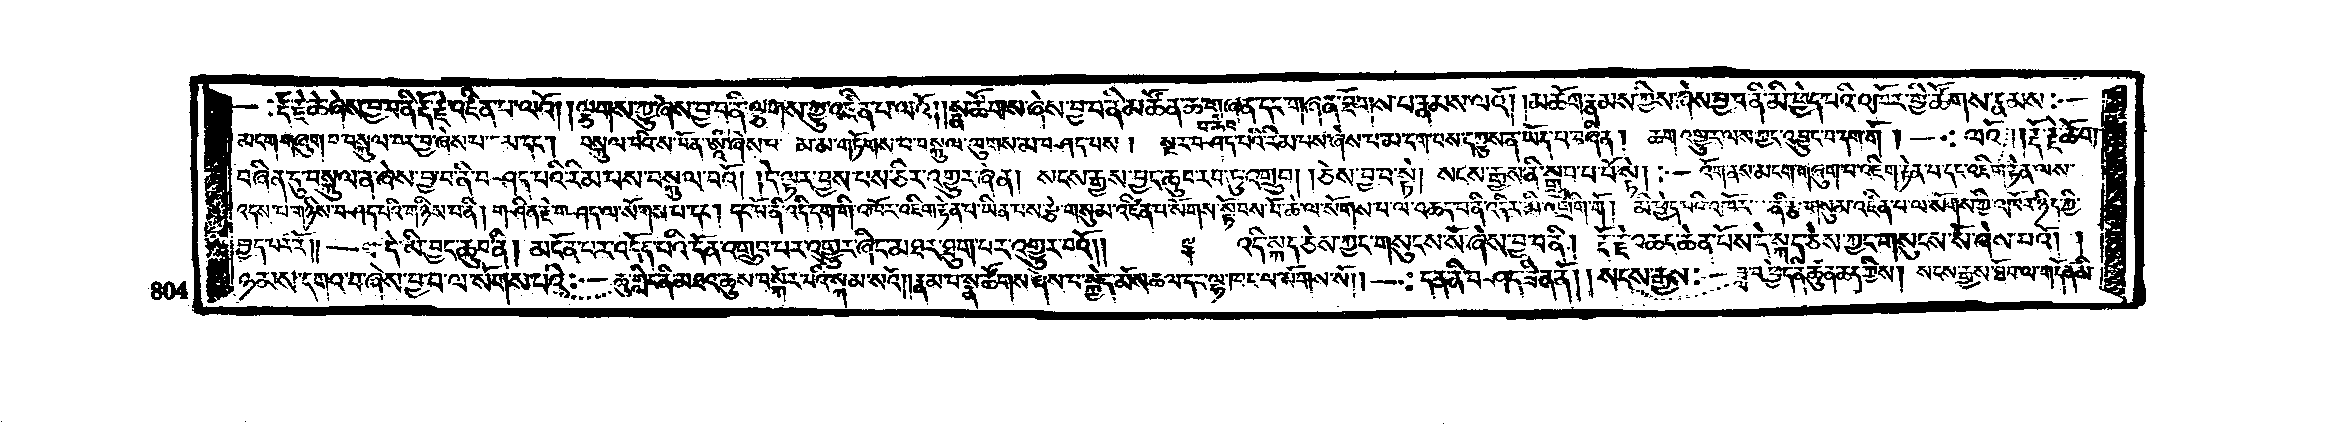.H རྡོ་རྗེ་ཆེ་ཞེས་བྱ་བ་ནི་རྡོ་རྗེ་འཛིན་པ་ལའོ། །ལྕགས་ཀྱུ་ཞེས་བྱ་བ་ནི་ལྕགས་ཀྱུ་འཛིན་པ་ལའོ། །སྣ་ཚོགས་ཞེས་བྱ་བ་ནི་མཚོན་ཆ་གཞན་དང་གཞན་ཐོགས་པ་རྣམས་ལའོ། །མཆོག་རྣམས་ཀྱིས་ཞེས་བྱ་བ་ནི་མི་ཕྱེད་པའི་འཁོར་གྱི་ཚོགས་རྣམསཿ
མངག་གཞུག་པ་བསྐུལ་བར་བྱ་ཞེས་པ་ཙམ་དང་། བསྐུལ་བའི་ས་བོན་ཨཱཾ་ཞེས་པ་ཙམ་མ་གཏོགས་པ་བསྐུལ་ལུགས་མ་བཤད་པས། སྔར་བཤད་པའི་རིམ་པས་ཞེས་པ་མ་དག་པས་དཀྱུས་ན་ཡོད་པ་བཞིན། །ཆག་འགྱུར་ལས་ཀྱང་འབྱུང་བ་དག་གོ །  .H ལའོ། །རྡོ་རྗེ་ཆོ་ག་
བཞིན་དུ་བསྐུལ་ན་ཞེས་བྱ་བ་ནི་བཤད་པའི་རིམ་པས་བསྐུལ་བའོ། །དེ་ལྟར་བྱས་པས་ཅིར་འགྱུར་ཞེ་ན། སངས་རྒྱས་བྱང་ཆུབ་རབ་ཏུ་འགྲུབ། །ཅེས་བྱ་བ་སྟེ། སངས་རྒྱས་ནི་སྒྲུབ་པ་པོ་སྟེ། H འོག་ནས་མངག་གཞུག་པ་འཇིག་རྟེན་པ་དང་འཇིག་རྟེན་ལས་
འདས་པ་གཉིས་བཤད་པའི་གཉིས་པ་ནི། གཤིན་རྗེ་གཤེད་ལ་སོགས་པ་དང་། དང་པོ་ནི་འདི་དག་གི་འཁར་འཇིག་རྟེན་པ་ཡིན་པས་རྩེ་གསུམ་འཛིན་པ་སོགས་སྟོབས་པོ་ཆེ་ལ་སོགས་པ་ལ་འཆད་པ་ནི་འདིར་མི་འགྲོག་གོ ། མི་ཕྱེད་པའི་འཁོར་ནི་རྩེ་གསུམ་འཛིན་པ་ལ་སོགས་ཀྱི་འཁོར་ཉིད་ཀྱི་
ཁྱད་པར་རོ།། .H དེ་ཡི་བྱང་ཆུབ་ནི། མངོན་པར་འདོད་པའི་དོན་འགྲུབ་པར་འགྱུར་ཞིང་མཐར་ཐུག་པར་འགྱུར་བའོ། ༈ འདི་སྐད་ཅེས་ཀྱང་གསུངས་སོ་ཞེས་བྱ་བ་ནི། རྡོ་རྗེ་འཆང་ཆེན་པོས་དེ་སྐད་ཅེས་ཀྱང་གསུངས་སོ་ཞེས་པའོ། །
ཉམས་དགའ་བ་ཞེས་བྱ་བ་ལ་སོགས་པའིཿ་ཆུ་གླིང་ནི་མཐའ་ཆུས་བསྐོར་བའི་སྐམ་སའོ། །རྣམ་པ་སྣ་ཚོགས་ཞེས་པ་སྐྱེད་མོས་ཆལ་དང་ལྷ་ཁང་ལ་སོགས་སོ།། .H དན་ནི་བཤད་ཟིན་ནོ། །སངས་རྒསཿ་ཟླ་བ་ཕྱེད་ནི་ཚུན་ཆད་ཀྱིས། སངས་རྒྱས་ཐོབ་ལ་གདོན་མི་